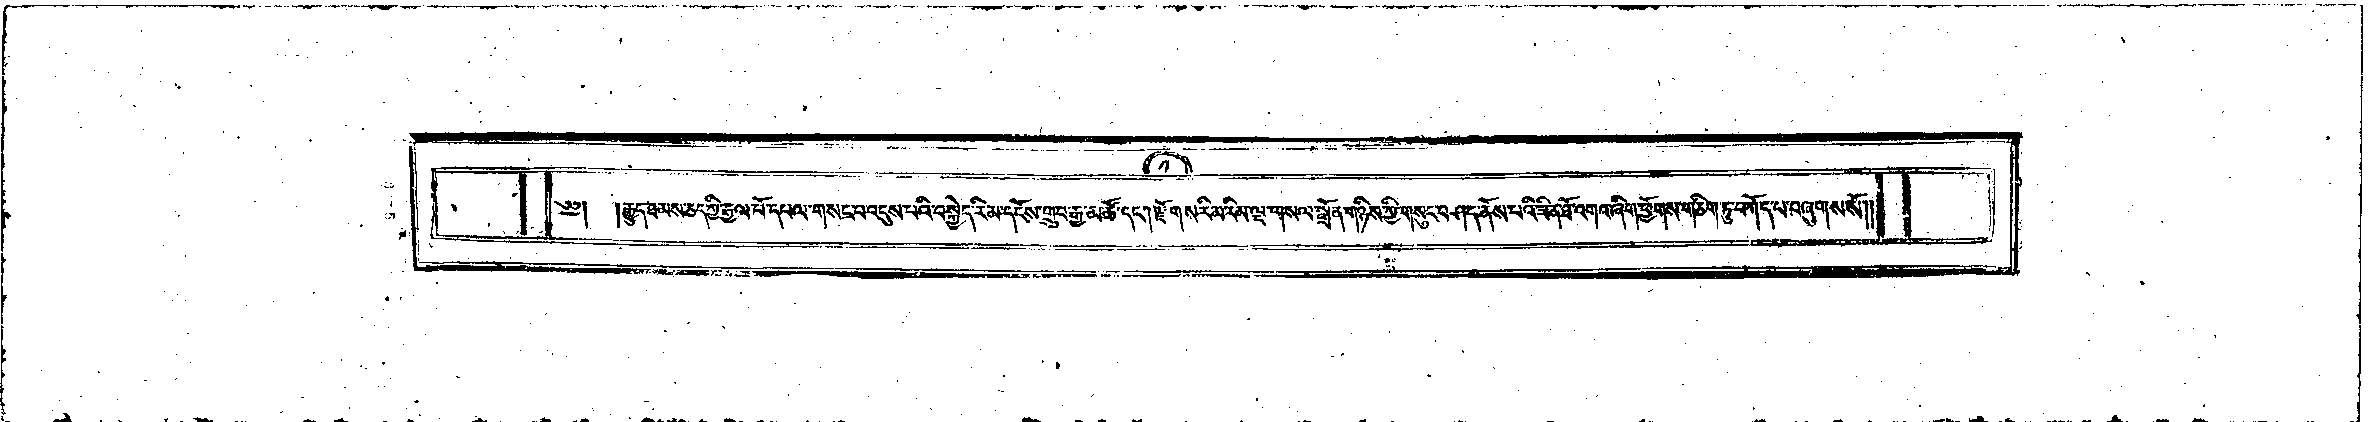༄༅། །རྒྱུད་ཐམས་ཅད་ཀྱི་རྒྱལ་པོ་དཔལ་གསང་བ་འདུས་པའི་བསྐྱེད་རིམ་དངོས་གྲུབ་རྒྱ་མཚོ་དང་། རྫོགས་རིམ་རིམ་ལྔ་གསལ་སྒྲོན་གཉིས་ཀྱི་གསུང་བཤད་ནོས་པའི་ཟིན་ཐོ་འགའ་ཞིག་ཕྱོགས་གཅིག་ཏུ་བཀོད་པ་བཞུགས་སོ།།